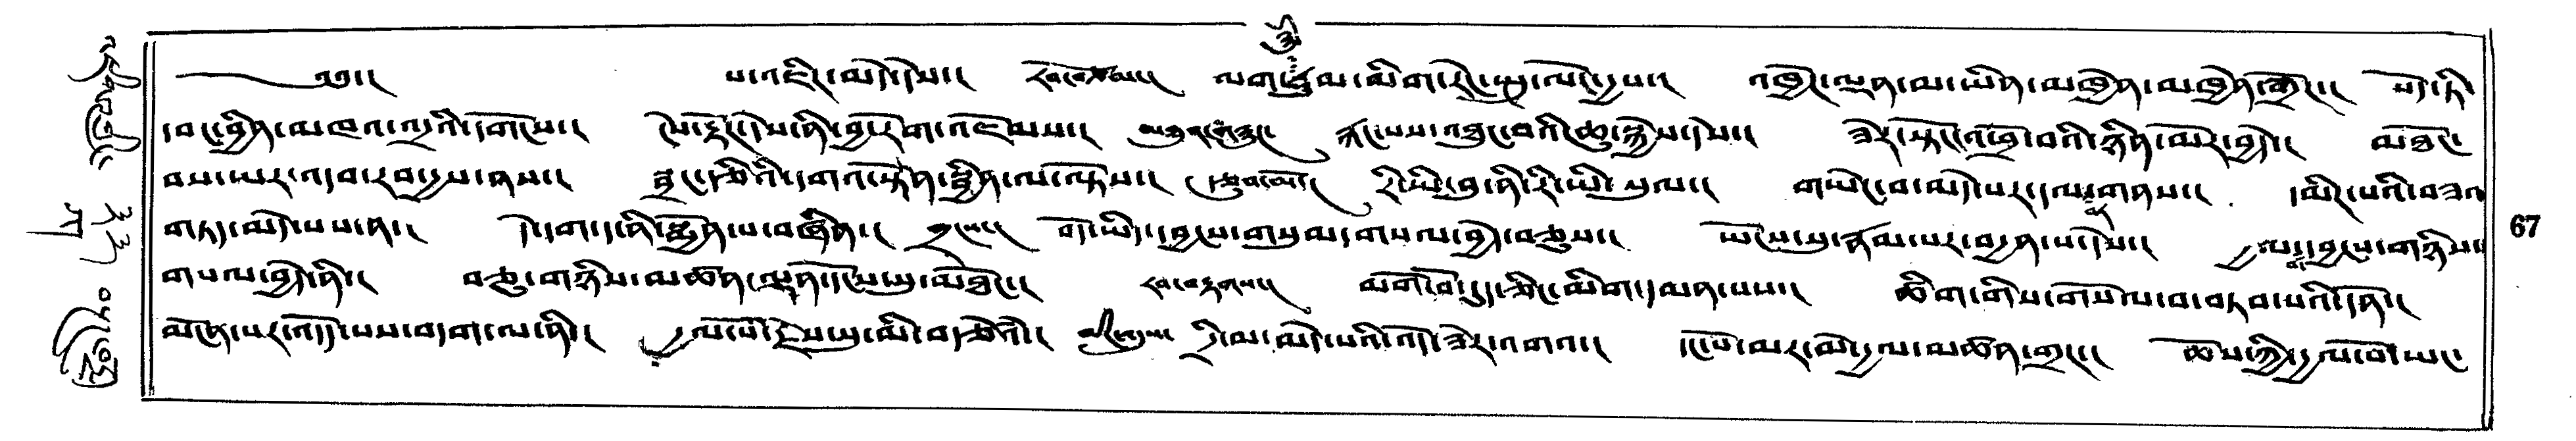པ་འཇིགས་མེད་དེས། ། རབ་བཅོམ། ལག་ཟུམ་མིག་རེངས་སྤུ་ལོང་རྒྱས། །འཁྱོགས་ལྡན་མ་ཡིན་མཁྱེན་མཁྱེན་སྒྲོགས། །པོ་ཏའྀ་
དབང་བྱིན་མཁའ་འདྲའི་དགོངས། །ངེས་རྟོགས་དེས་ནི་བྱ་རོག་འཇོམས། ། མཐུན་གཟུགས། རྐང་པས་བཏུངས་པའི་ས་ཆུ་སྐྱེས་དེས། །ཟེར་སྟོང་འཕྲོ་བའི་ཉིན་མོར་བྱེད། །མཐོང་
བས་ཡལ་འདབ་རབ་རྒྱས་ནས། །སྦྲང་རྩིའི་དགའ་སྟོན་སྦྱིན་ལ་ལྟོས། །རྩུབ་མོ། རི་ཡི་བུ་ནི་རི་ཡི་སུལ། །གཡེང་བ་མེད་པར་དལ་བར་གནས། །དམིགས་པའི་གཟའ་
གཏད་མེད་པས་ན། །དེ་དག་ད་ནི་སྨྱོན་པ་བཞིན། ། གྲངས། བོད་ཡིག་དབྱངས་གསུམ་གསལ་བྱེད་བཅུས། །ཡོངས་སུ་རྣམ་པར་བརྒྱན་པ་དེས། །རྒྱལ་བ་དབྱངས་གཉིས་
གསལ་བྱེད་ནི། །བཅུ་གཉིས་མཚན་ལྡན་དངོས་སུ་མཐོང་། ། རབ་བརྟགས། མགོ་བོ་དུད་ཅིང་མིག་དམན་པས། །ཚིག་གིས་གསོལ་བ་བཏབ་པའི་དོན། །
མངོན་པར་འདོད་པས་བདག་ལ་ནི། །རྒྱལ་པོ་རྗེས་སུ་མི་བརྩེའམ། ། མིང་འདུས། དྲི་མ་མེད་པའི་འོད་ཟེར་འགའ། །དང་པོ་མར་མེ་རྒྱལ་མཚན་གྲགས། །ཆོས་ཀྱི་རྒྱལ་པོ་ཡང་